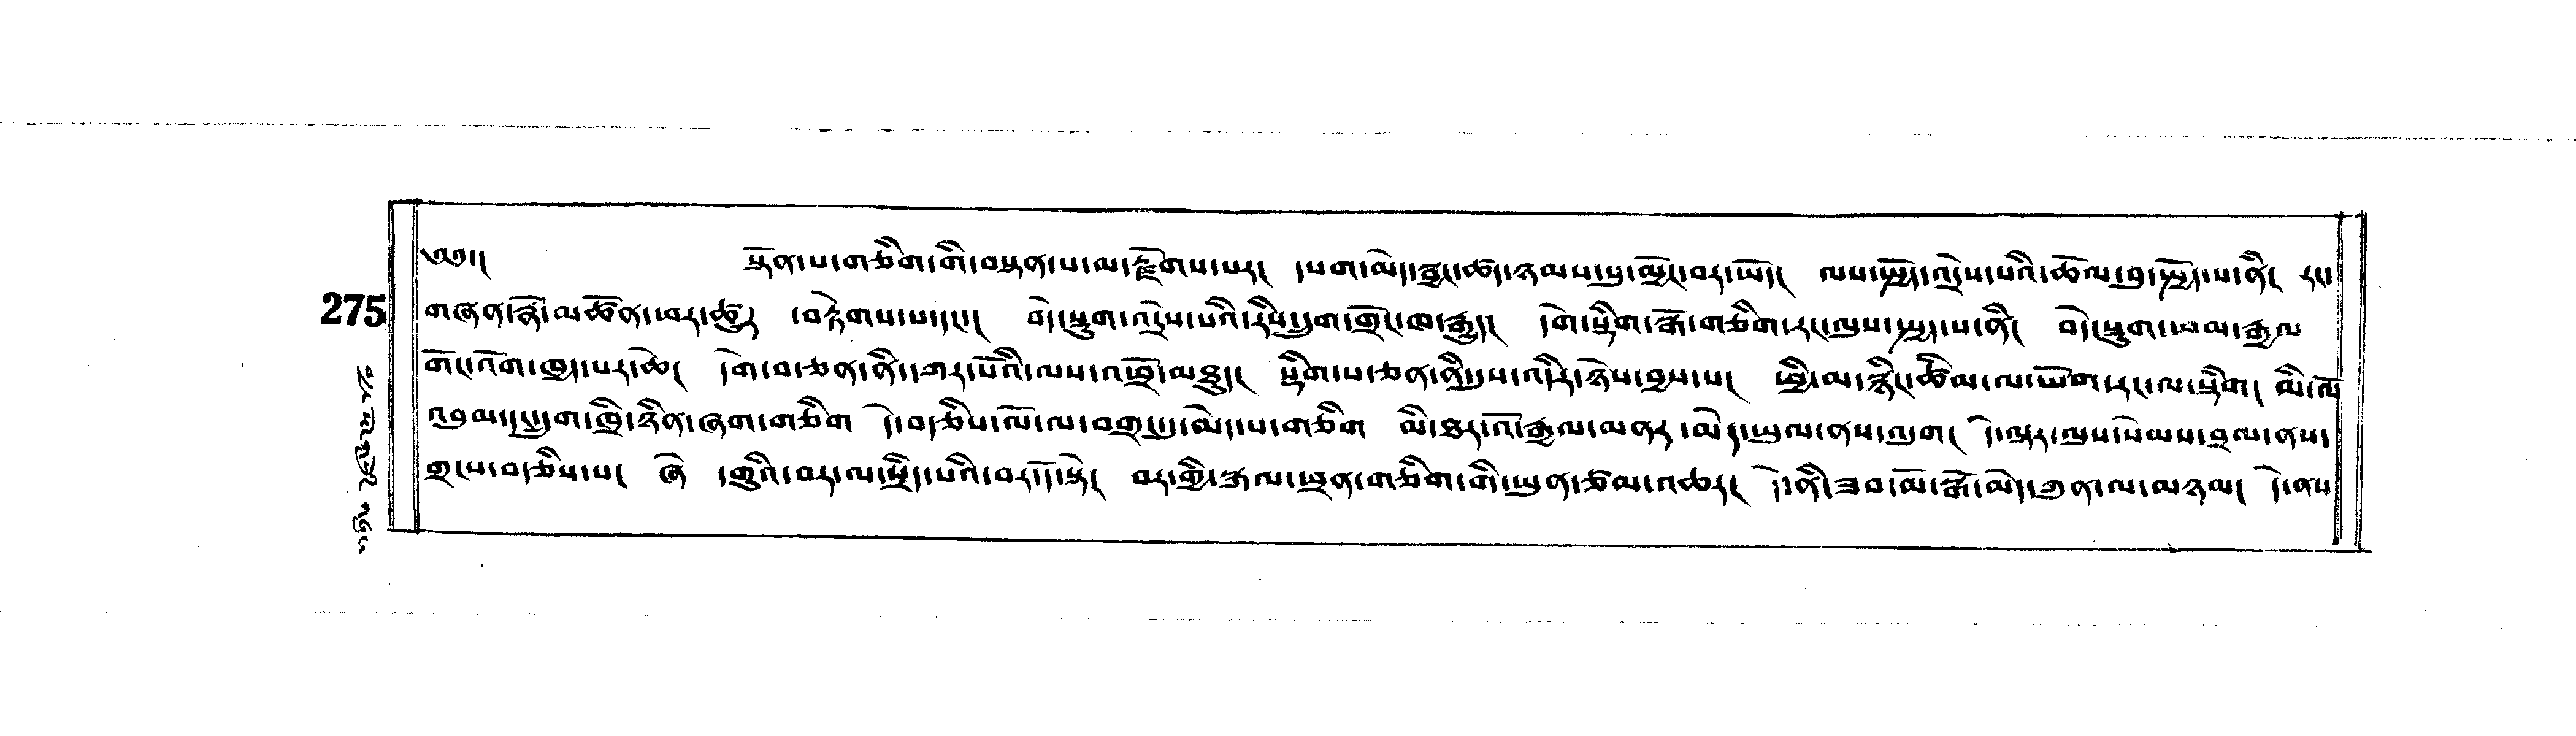སྟོན་པ་གཅིག་གི་བསྟན་པ་མ་རྫོགས་བར། དཔག་མེད་སྦྱོང་ཚད་ཉམས་སུ་མྱོང་བར་ཡོད། ལས་སྤྱོད་འདྲེས་པའི་འཆོལ་བུ་སྤྱོད་པ་ནི། རང་
གཞན་རྣོ་མཚོན་ཕར་ཚུར། བརྡེགས་པ་དང་། བདེ་སྡུག་འདྲེས་པའི་རིས་དྲུག་གྲོང་ཁ་བརྒྱུད། དགེ་སྡིག་སྒོ་གཅིག་རང་ལུས་སྤྱད་པ་ནི། བདེ་སྡུག་ཕམ་རྒྱལ་
གོང་འོག་ཁྱད་པར་ཆེ། དགེ་བ་ཅན་ནི་དཀར་པོའི་ལས་འཕྲོ་མཐུད། སྡིག་པ་ཅན་ནི་དུས་འདིར་ཉེས་བྱས་པ། ཕྱི་མ་སྙིང་ཚིམ་ལ་ཡོག་རང་ལ་སྡིག མི་ལོ་
འབུམ་དང་དྲུག་ཁྲི་ཉིན་ཞག་གཅིག དེ་རྩིས་ལོ་ལ་བགྲང་དུ་མེད་པ་གཅིག མི་ཐར་འོ་བརྒྱལ་མནར་མེད་ཡུལ་ན་འདུག དེ་ལྟར་ལུས་སེམས་བྲལ་ནས་
གྲངས་བརྩིས་པ། ཞེ་དགུའི་བར་ལ་སྲིད་པའི་བར་དོ་སྟེ། བར་གྱི་བསྐལ་ཕྲན་གཅིག་གི་ཡུན་ཙམ་འཆར། དེ་ནི་ཟབ་མོ་སྒོ་མེད་ཀུན་ལ་མཉམ། དེ་ནས་